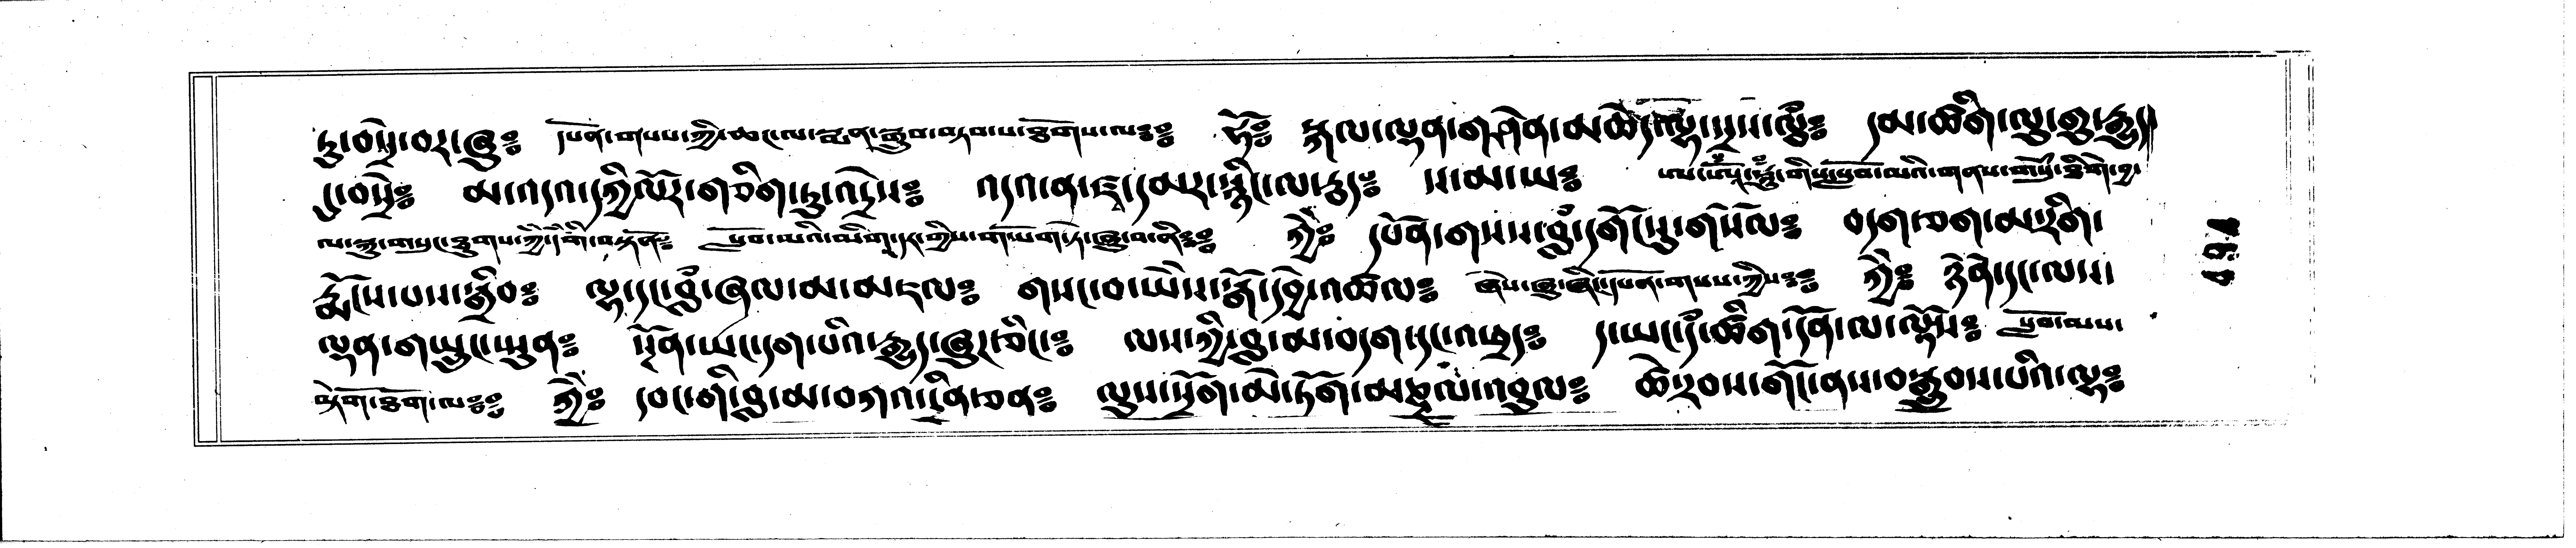ཏུ་བསྲེ་བར་ཞུ༔དཔོན་གསས་ཀྱི་ཆང་ལ་སྨན་སྒྲུབ་བཏབ་པ་ཐོགས་ལ༔༔ཧོ༔༔སྐལ་ལྡན་གཤེན་མཆེད་ལྷ་སྲས་ལྕམ༔ དམ་ཚིག་ལྕཀྱུ་རྒྱུད་
དུ་བསྲེ༔མ་འདའ་དཀྱིལ་འཁོར་གཅིག་ཏུ་འདྲེས༔འདའ་ན་ཛྭ་དམར་སྙིང་ལ་རྦད༔ས་མ་ཡ༔ཨ་ཨཱོཾ་ཧཱུཾ་གིས་སློབ་མའི་གནས་གསུམ་ཐིག་ལེ་བྱ་
ལ་སྐུ་གསུང་ཐུགས་ཀྱི་དམ་ཚིག་བསྟན་ནོ༔སློབ་མའི་མིག་དར་གྱིས་གཡོགས་ཏེ་ཞུ་བ་ནི༔༔ཀྱཻ༔དཔོན་གསས་བླ་མ་དགོངས་སུ་གསོལ༔བདག་ཅག་མ་རིག་
རྨོངས་པ་སྒྲིབ༔ལྷ་དང་བླ་མ་ཞལ་མ་མཇལ༔གསང་བ་ཡེ་ཤེས་སྒོ་དབྱེ་འཚལ༔ཞེས་ཞུ་ཞིང་དཔོན་གསས་ཀྱིས༔༔ཀྱཻ༔ཉོན་དང་ལས་
ལྡན་གཡུང་དྲུང་སྤུན༔སྔོན་ཡང་དག་པའི་རྒྱུད་ཞུགས་ཅིང་༔ལས་ཀྱི་བླ་མ་བདག་དང་འཕྲད༔ད་ཡང་དམ་ཚིག་དོན་ལ་ལྟོས༔སློབ་མས་
མེ་ཏོག་ཐོགས་ལ༔༔ཀྱཻ༔ དབང་གི་བླ་མ་བཀའ་དྲིན་ཅན༔ལུས་སྲོག་མེ་ཏོག་མཎྜལ་འབུལ༔ཚེ་རབས་གོང་ནས་བསྒྲུབས་པའི་ལྷ༔